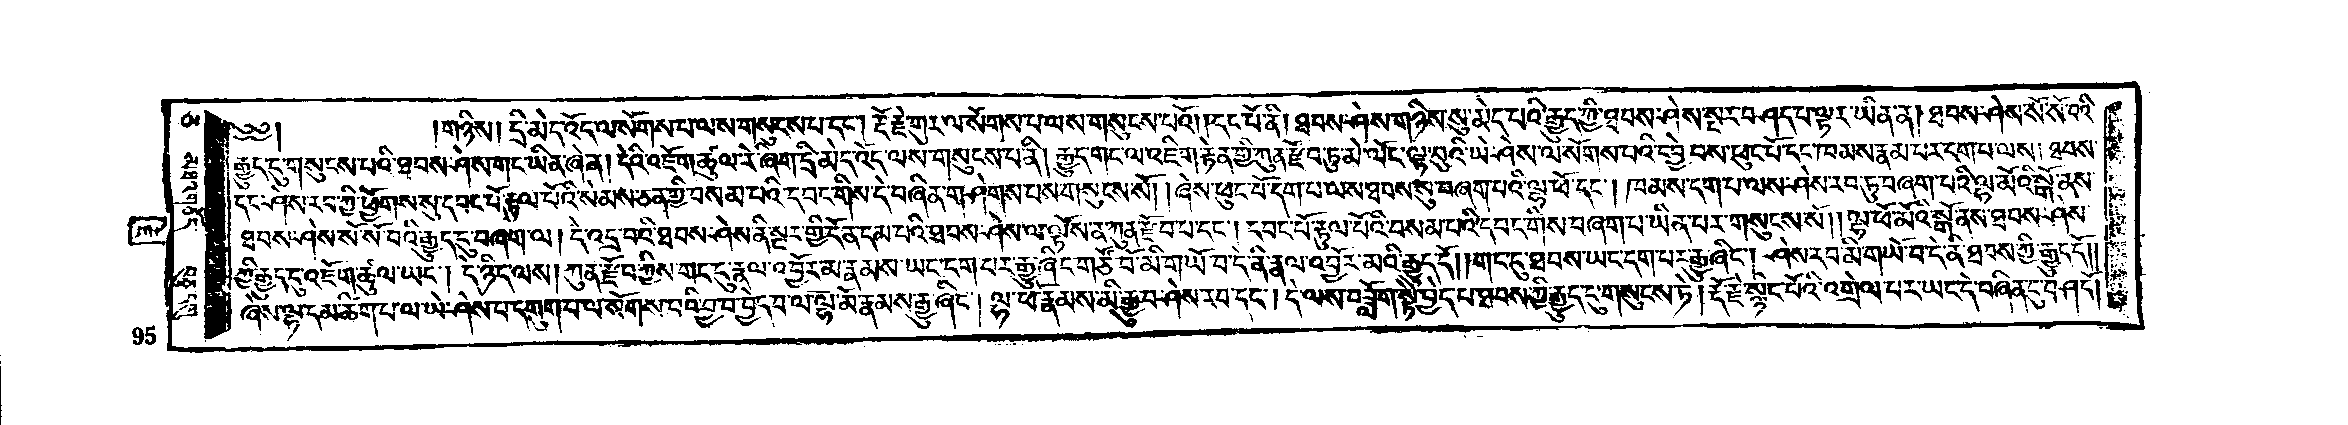༄༅། །གཉིས། དྲི་མེད་འོད་ལ་སོགས་པ་ལས་གསུངས་པ་དང་། རྡོ་རྗེ་གུར་ལ་སོགས་པ་ལས་གསུངས་པའོ། །དང་པོ་ནི། ཐབས་ཤེས་གཉིས་སུ་མེད་པའི་རྒྱུད་ཀྱི་ཐབས་ཤེས་སྔར་བཤད་པ་ལྟར་ཡིན་ན། ཐབས་ཤེས་སོ་སོ་བའི་
རྒྱུད་དུ་གསུངས་པའི་ཐབས་ཤེས་གང་ཡིན་ཞེ་ན། དེའི་འཇོག་ཚུལ་རེ་ཞིག་དྲི་མེད་འོད་ལས་གསུངས་པ་ནི། རྒྱུད་གང་ལ་འཇིག་རྟེན་གྱི་ཀུན་རྫོབ་ཏུ་མེ་ལོང་ལྟ་བུའི་ཡེ་ཤེས་ལ་སོགས་པའི་དབྱེ་བས་ཕུང་པོ་དང་ཁམས་རྣམ་པར་དག་པ་ལས། ཐབས་
དང་ཤེས་རབ་ཀྱི་ཕྱོགས་སུ་དབང་པོ་རྟུལ་པོའི་སེམས་ཅན་གྱི་བསམ་པའི་དབང་གིས་དེ་བཞིན་གཤེགས་པས་གསུངས་སོ། །ཞེས་ཕུང་པོ་དག་པ་ལས་ཐབས་སུ་བཞག་པའི་ལྷ་ཕོ་དང་། ཁམས་དག་པ་ལས་ཤེས་རབ་ཏུ་བཞག་པའི་ལྷ་མོའི་སྒོ་ནས་
ཐབས་ཤེས་སོ་སོ་བའི་རྒྱུད་དུ་བཞག་ལ། དེ་འདྲ་བའི་ཐབས་ཤེས་ནི་སྔར་གྱི་དོན་དམ་པའི་ཐབས་ཤེས་ལ་ལྟོས་ན་ཀུན་རྫོབ་པ་དང་། དབང་པོ་རྟུལ་པོའི་བསམ་པའི་དབང་གིས་བཞག་པ་ཡིན་པར་གསུངས་སོ། །ལྷ་ཕོ་མོའི་སྒོ་ནས་ཐབས་ཤེས་
ཀྱི་རྒྱུད་དུ་འཇོག་ཚུལ་ཡང་། དེ་ཉིད་ལས། ཀུན་རྫོབ་ཀྱིས་གང་དུ་རྣལ་འབྱོར་མ་རྣམས་ཡང་དག་པར་རྒྱུ་ཞིང་གཙོ་བོ་མི་གཡོ་བ་དེ་ནི་རྣལ་འབྱོར་མའི་རྒྱུད་དོ། །གང་དུ་ཐབས་ཡང་དག་པར་རྒྱུ་ཞིང་། ཤེས་རབ་མི་གཡོ་བ་དེ་ནི་ཐབས་ཀྱི་རྒྱུད་དོ། །
ཞེས་ལྷ་དམ་ཚིག་པ་ལ་ཡེ་ཤེས་པ་དགུག་པ་ལ་སོགས་པའི་བྱ་བ་བྱེད་པ་ལ་ལྷ་མོ་རྣམས་རྒྱུ་ཞིང་། ལྷ་ཕོ་རྣམས་མི་རྒྱུ་བ་ཤེས་རབ་དང་། དེ་ལས་བཟློག་སྟེ་བྱེད་པ་ཐབས་ཀྱི་རྒྱུད་དུ་གསུངས་ཏེ། རྡོ་རྗེ་སྙིང་པོའི་འགྲེལ་པར་ཡང་དེ་བཞིན་དུ་བཤད་དོ། །